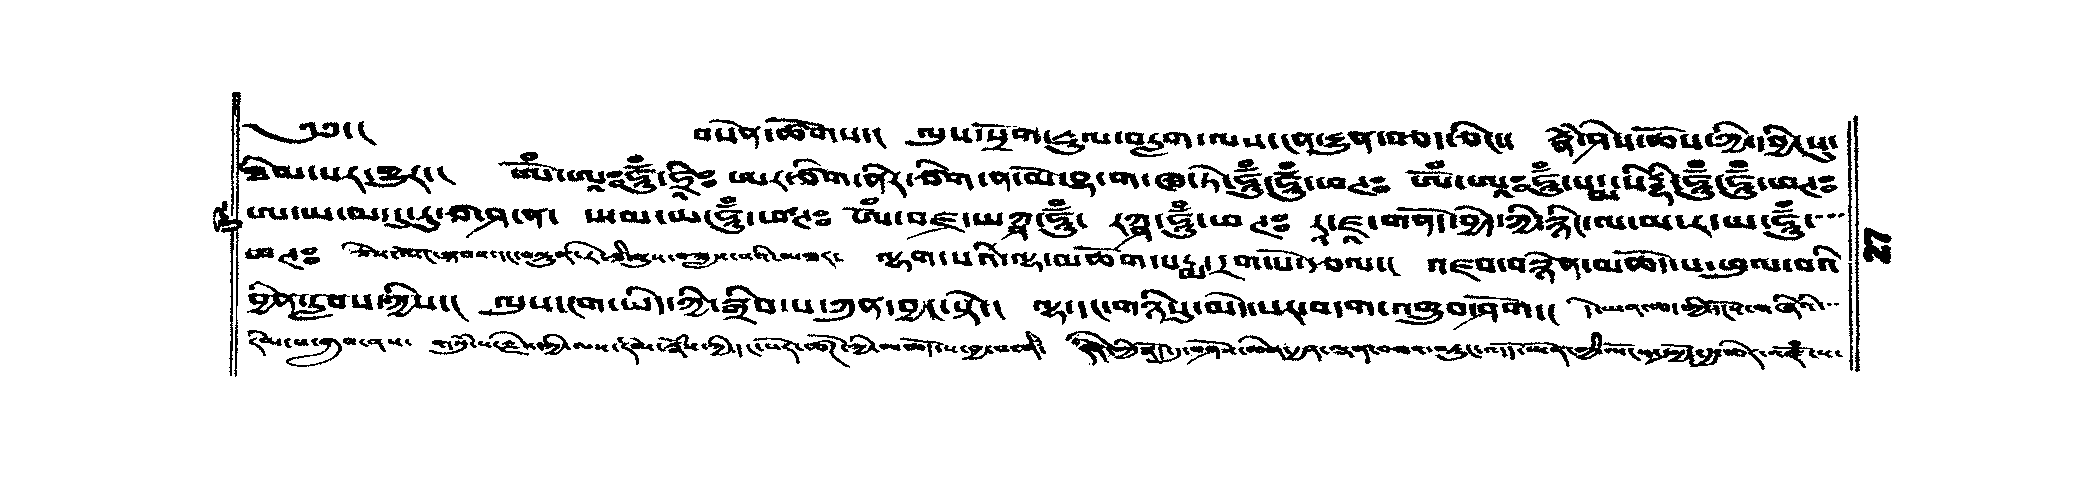བསེན་ཚོགས། །ལུས་སྲོག་རྡུལ་བརླག་ལས་ངན་རྒྱུན་བཅད་ཅིང་། །རྣམ་ཤེས་ཆོས་ཀྱི་དབྱིངས་སུ་
ཐིམ་པར་གྱུར། །ཨོྃ་ཨཱ་ཧཱུྃ་ཧྲཱིཿཨར་ཙིག་ནིར་ཙིག་ན་མོ་བྷ་ག་ཝ་ཏེ་ཧཱུྃ་ཧཱུྃ་ཕཊཿ ཨོྃ་ཨཱཿཧཱུྃ་པདྨ་སིདྡྷི་ཧཱུྃ་ཧཱུྃ་ཕཊཿ
ཨ་ཡ་མ་དུ་རུ་ཙ་ཤ་ན།ས་མ་ཡ་ཧཱུྃ་ཕཊཿ ཨོྃ་བཛྲ་ཡཀྴ་ཧཱུྃ། རཀྴ་ཧཱུྃ་ཕཊཿ རཱ་ཛཱ་གནོད་བྱེད་ཀྱི་སྙིང་ལ་མ་ར་ཡ་ཧཱུྃ་
ཕཊཿ ཅེས་མེ་ལོང་སྐབས་དང་བསྟུན་ཏེ་ཅི་ནུས་བཟླས་པའི་མཐར། ལྷག་པའི་ལྷ་མཆོག་པདྨ་དྲག་པོ་རྩལ། །འཛབ་བསྙེན་མཆོད་པ་ཕུལ་བའི་
བྱིན་རླབས་ཀྱིས། །ལུས་ངག་ཡིད་ཀྱི་སྒྲིབ་པ་ཀུན་བྱང་སྟེ། །ལྷག་པའི་ལྷ་མཆོག་པདྨ་དྲག་པོ་རྩལ། །འཛབ་བསྙེན་མཆོད་པ་ཕུལ་བའི་བྱིན་རླབས་ཀྱིས། །ལུས་ངག་ཡིད་ཀྱི་སྒྲིབ་པ་ཀུན་བྱང་སྟེ། །ལྷ་དང་གཉིས་སུ་མེད་པར་བདག་འགྲུབ་ཤོག་དེ་ཡན་ཆད་གྱི་དངོས་གཞིའི་
རིམ་པ་གྲུབ་ནས། གསུམ་པ་རྗེས་ཀྱི་ལས་རིམ་རྣམས་ཀྱི་དང་པོར་ཚོགས་ཀྱི་མཆོད་པ་བྱ་བ་ནི། རིན་ཆེན་གྱི་སྣོད་དུ་བཤོས་ཆེན་རྒྱན་ལྡན་བཟའ་བཏུང་འདོད་ཡོན་གྱི་ལོངས་སྤྱོད་རྒྱ་ཆེར་འཛོམ་པ་